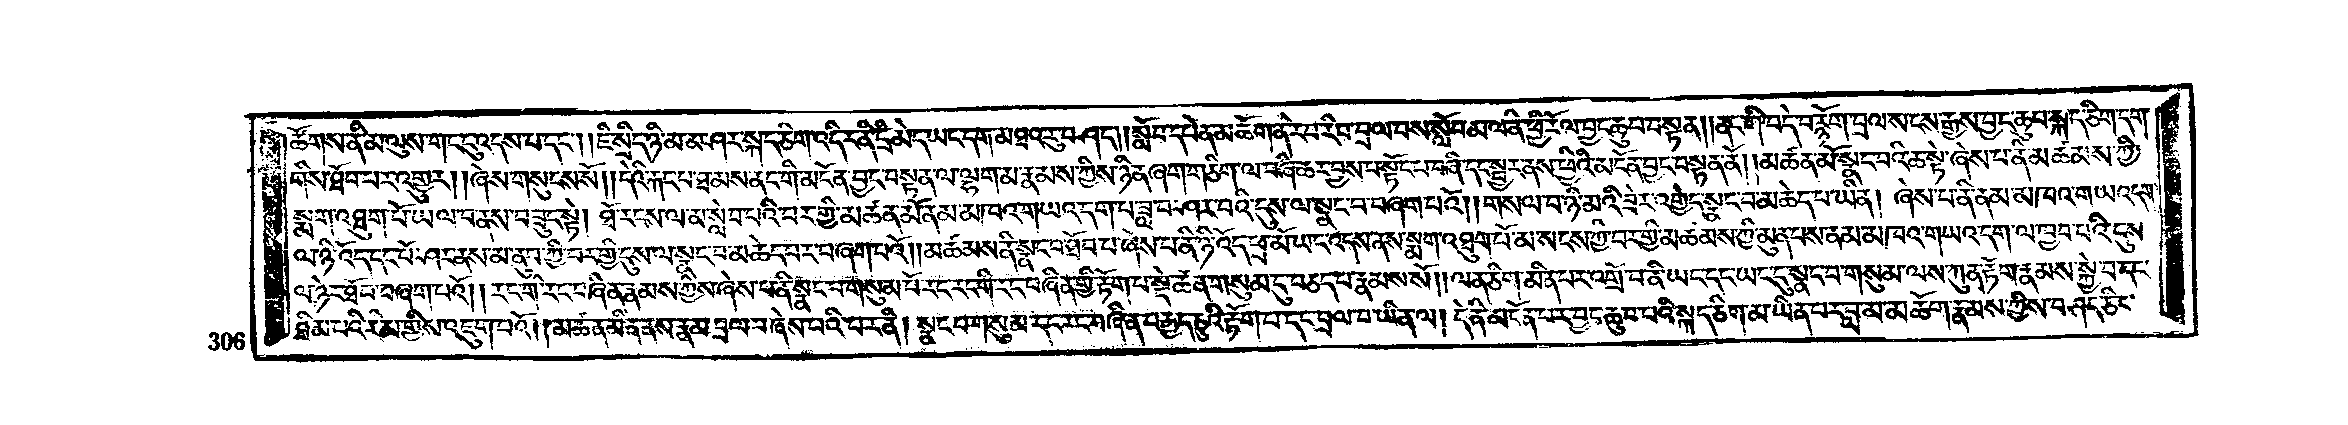ཚོགས་ནི་མ་ལུས་གང་དུ་འདས་པ་དང་། །ཇི་སྲིད་ཉི་མ་མ་ཤར་སྐད་ཅིག་འདིར་ནི་དྲི་མེད་ཡང་དག་མཐའ་རུ་བཤད། །སློབ་དཔོན་མཆོག་ནི་རབ་རིབ་བྲལ་བས་སློབ་མ་ལ་ནི་ཕྱི་རོལ་བྱང་ཆུབ་བསྟན། །ནང་གི་བདེ་བ་རྙོག་བྲལ་སངས་རྒྱས་བྱང་ཆུབ་སྐད་ཅིག་དག་
གིས་ཐོབ་པར་འགྱུར། །ཞེས་གསུངས་སོ། །དེའི་རྐང་པ་ཐ་མས་ནང་གི་མངོན་བྱང་བསྟན་ལ་ལྷག་མ་རྣམས་ཀྱིས་ཉིན་ཞག་གཅིག་ལ་བཞི་ཆར་བྱས་པ་སྟོང་པ་བཞི་དང་སྦྱར་ནས་ཕྱིའི་མངོན་བྱང་བསྟན་ནོ། །མཚན་མོ་སྣང་བའི་ཆ་སྟེ་ཞེས་པ་ནི་མཚམས་ཀྱི་
སྨག་འཐུག་པོ་ཡལ་བ་ནས་བཟུང་སྟེ། ཐོ་རངས་ལ་མ་སླེབ་པའི་བར་གྱི་མཚན་མོ་ནམ་མཁའ་གཡའ་དག་པ་ཟླ་བ་ཤར་བའི་དུས་ལ་སྣང་བ་བཞག་པའོ། །གསལ་བ་ཉི་མའི་ཟེར་འགྱེད་སྣང་བ་མཆེད་པ་ཡིན། ཞེས་པ་ནི་ནམ་མཁའ་གཡའ་དག་
ལ་ཉི་འོད་དང་པོ་ཤར་ནས་མ་ནུབ་ཀྱི་བར་གྱི་དུས་ལ་སྣང་བ་མཆེད་པར་བཞག་པའོ། །མཚམས་ནི་སྣང་བ་ཐོབ་པ་ཞེས་པ་ནི་ཉི་འོད་ཕྲ་མོ་ཡང་འདས་ནས་སྨག་འཐུག་པོ་མ་སངས་ཀྱི་བར་གྱི་མཚམས་ཀྱི་མུན་པས་ནམ་མཁའ་གཡའ་དག་ལ་ཁྱབ་པའི་དུས་
ལ་ཉེར་ཐོབ་བཞག་པའོ། །རང་གི་རང་བཞིན་རྣམས་ཀྱིས་ཞེས་པ་ནི་སྣང་བ་གསུམ་པོ་རང་རང་གི་རང་བཞིན་གྱི་རྟོག་པ་སྡེ་ཚན་གསུམ་དུ་བཅད་པ་རྣམས་སོ། །ལན་ཅིག་མིན་པར་འགྲོ་བ་ནི་ཡང་དང་ཡང་དུ་སྣང་བ་གསུམ་ལས་ཀུན་རྟོག་རྣམས་སྐྱེ་བ་དང་
ཐིམ་པའི་རིམ་གྱིས་འཇུག་པའོ། །མཚན་མིན་ནས་རྣམ་བྲལ་བ་ཞེས་པའི་བར་ནི། སྣང་བ་གསུམ་དང་རང་བཞིན་བརྒྱད་ཅུའི་རྟོག་པ་དང་བྲལ་བ་ཡིན་ལ། དེ་ནི་མངོན་པར་བྱང་ཆུབ་པའི་སྐད་ཅིག་མ་ཡིན་པར་བླ་མ་མཆོག་རྣམས་ཀྱིས་བཤད་ཅིང་